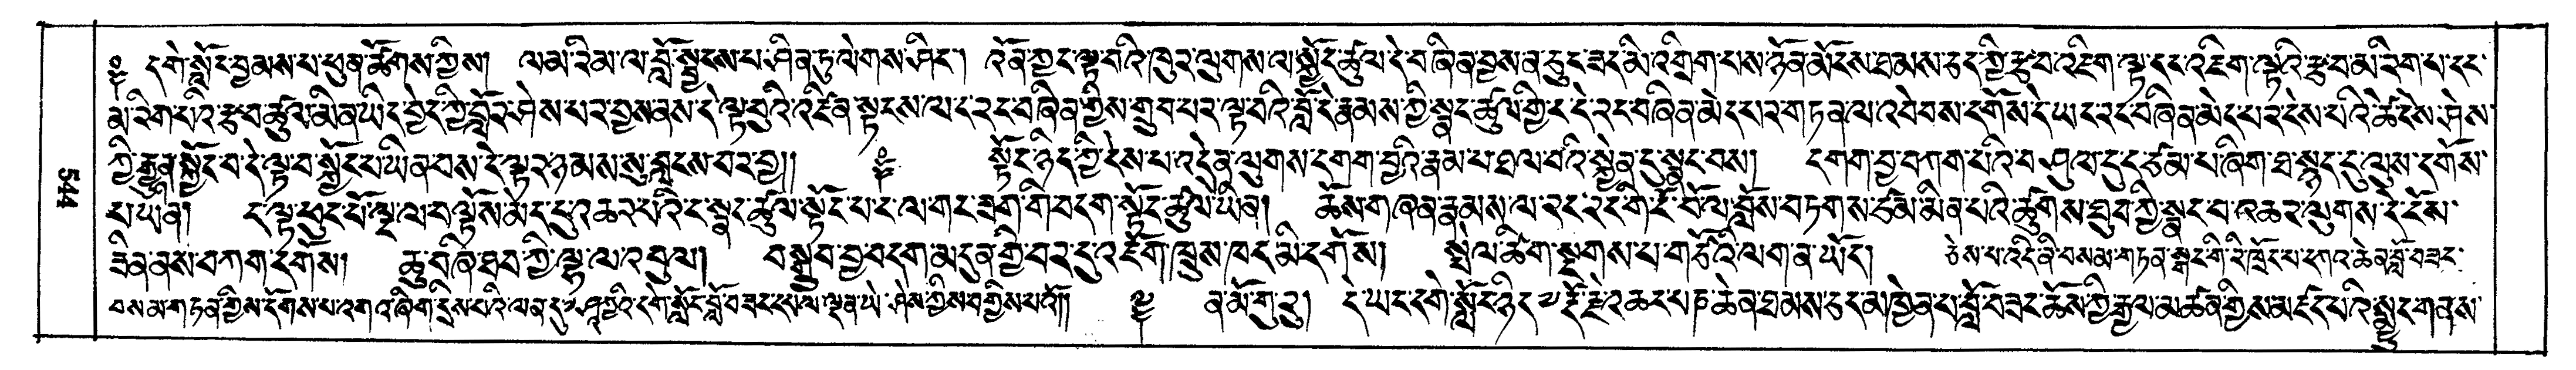༈ དགེ་སློང་བྱམས་པ་ཕུན་ཚོགས་ཀྱིས། ལམ་རིམ་ལ་བློ་སྦྱངས་པ་ཤིན་ཏུ་ལེགས་ཤིང་། འོན་ཀྱང་ལྟ་བའི་ཁུར་ལུགས་ལ་སྐྱོང་ཚུལ་དེ་བཞིན་བྱས་ན་ཅུང་ཟད་མི་འགྲིག་པས་ཉོན་མོངས་ཐམས་ཅད་ཀྱི་རྩ་བ་འཇིག་ལྟ་དང་འཇིག་ལྟའི་རྩ་བ་མ་རིག་པ་དང་
མ་རིག་པའི་རྩ་བ་ཚུལ་མིན་ཡིད་བྱེད་ཀྱི་བློར་ཤེས་པར་བྱས་ནས་དེ་ལྟ་བུའི་འཛིན་སྟངས་ལ་ང་རང་བཞིན་གྱིས་གྲུབ་པར་ལྟ་བའི་བློ་དེ་རྣམས་ཀྱི་སྣང་ཚུལ་གྱི་ང་དེ་རང་བཞིན་མེད་པར་གཏན་ལ་འབེབས་དགོས་དེ་ཡང་རང་བཞིན་མེད་པར་ངེས་པའི་ཚེ་དེས་ཤེས་
ཀྱི་རྒྱུན་སྐྱོང་བ་དེ་ལྟ་བ་སྐྱོང་བ་ཡིན་པས་དེ་ལྟར་ཉམས་སུ་བླངས་པར་བྱ།། ༈ སྟོང་ཉིད་ཀྱི་ངེས་པ་འདྲེན་ལུགས་དགག་བྱའི་རྣམ་པ་ཐལ་བའི་སྐྱོན་དུ་སྣང་བས། དགག་བྱ་བཀག་པའི་བཤུལ་དུ་ད་ཙམ་པ་ཞིག་ཐ་སྙད་དུ་ལུས་དགོས་
པ་ཡིན། ད་ལྟ་ཕུང་པོ་ལྔ་ལ་བལྟོས་མེད་དུ་འཆར་བའི་ང་སྣང་ཚུལ་སྟོང་པ་དེ་ལ་གང་ཟག་གི་བདག་སྟོང་ཚུལ་ཡིན། ཆོས་གཞན་རྣམས་ལ་རང་རང་གི་ངོ་བོ་ལ་བློས་བཏགས་ཙམ་མིན་པའི་ཚུགས་ཐུབ་ཀྱི་སྣང་བ་འཆར་ལུགས་དེ་ངོས་
ཟིན་ནས་བཀག་དགོས། ཆུ་བཞི་ཐབ་ཀྱི་ལྷ་ལ་འབུལ། བསྒྲུབ་བྱ་བདག་མདུན་གྱི་བར་དུ་འཇོག་ཁྲུས་ཁང་མི་དགོས། སྤེལ་ཚིག་སྔགས་པ་གཙོའི་ལག་ན་ཡོད། ཅེས་པ་འདི་ནི་བསམ་གཏན་སྒང་གི་རི་ཁྲོད་པ་དཀའ་ཆེན་བློ་བཟང་
བསམ་གཏན་གྱིས་དོགས་པ་འགའ་ཞིག་དྲིས་པའི་ལན་དུ་༧་ཤཱཀྱའི་དགེ་སློང་བློ་བཟང་དཔལ་ལྡན་ཡེ་ཤེས་ཀྱིས་བགྱིས་པའོ།། ༈ ན་མོ་གུ་རུ། དེ་ཡང་དགེ་སློང་ཉིད་༈ རྡོ་རྗེ་འཆང་པཎ་ཆེན་ཐམས་ཅད་མཁྱེན་པ་བློ་བཟང་ཆོས་ཀྱི་རྒྱལ་མཚན་གྱིས་མཛད་པའི་སྨྱུང་གནས་